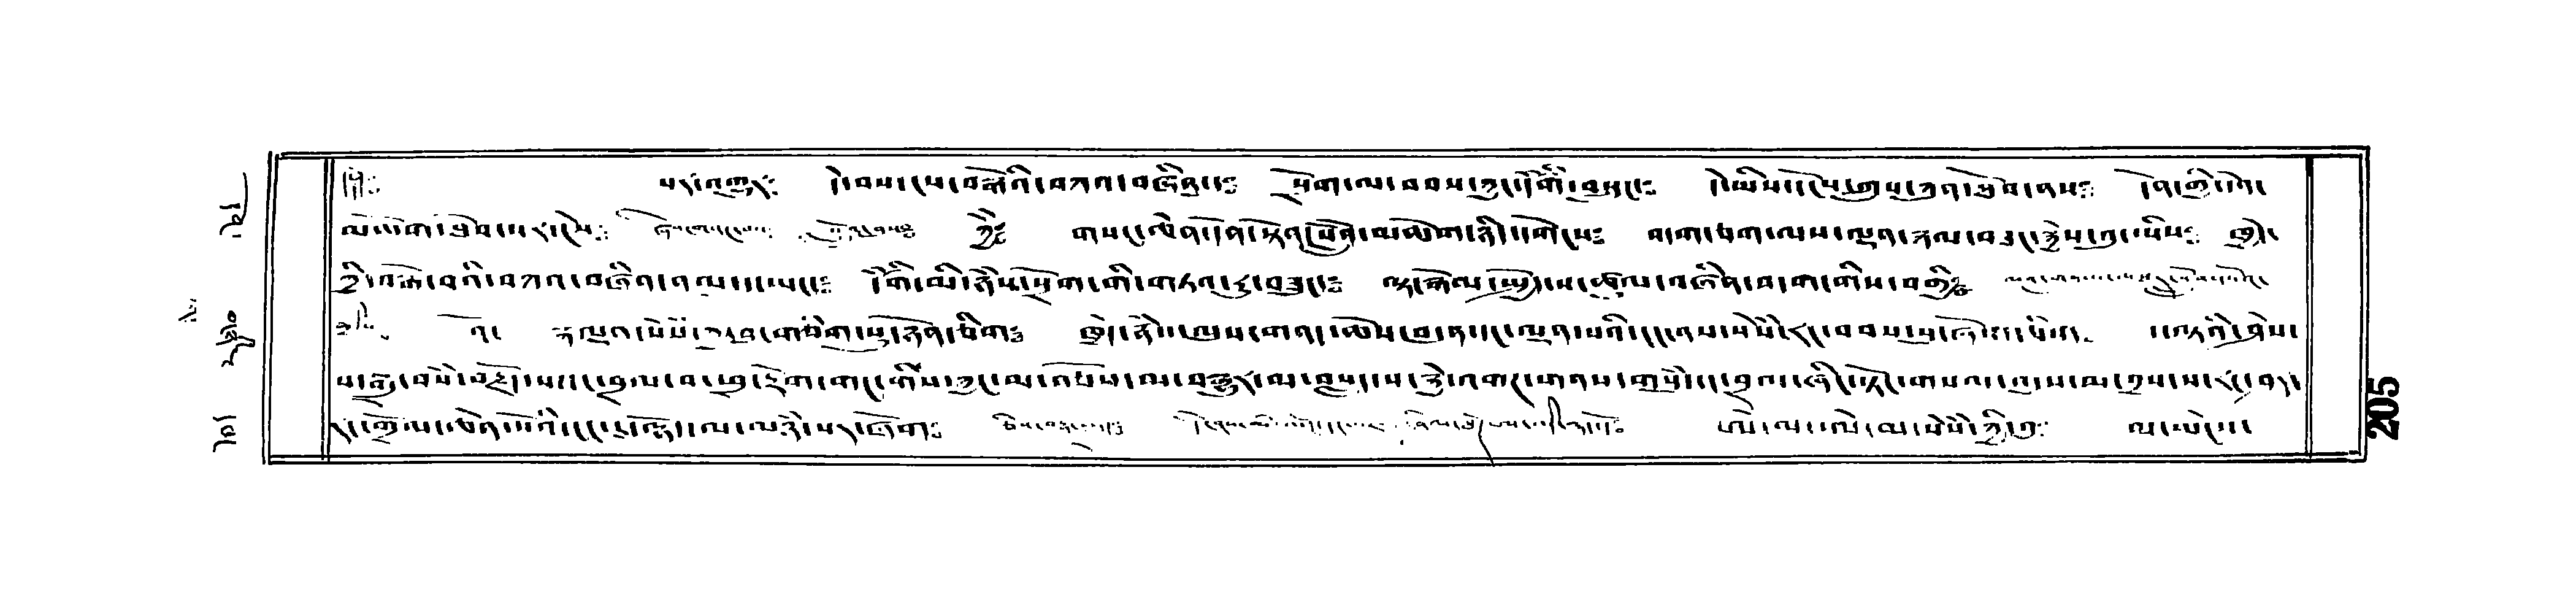པར་འགྱུར༔ དེ་བས་ངས་བསྒོའི་བཀའ་བཞིན་དུ༔ སྲོག་ལ་བབས་ཀྱང་དམ་ཚིག་བསྲུང༔ དེ་ཡིས་དངོས་གྲུབ་ཀུན་ཐོབ་ནས༔ དོན་གྱི་དོན་
མཆོག་ཐོབ་པར་ངེས༔ ཞེས་གནང་པས༔ སློབ་བུས༔ ཀྱཻ༔ གསང་ཆེན་དོན་སྟོན་སློབ་དཔོན་མཆོག་ཉིད་དགོངས༔ བདག་ཅག་ལས་ལྡན་སྐལ་བཟང་སྐྱེས་བུ་ཡིས༔ ཁྱེད་
ཀྱི་བསྒོ་བའི་བཀའ་བཞིན་ནམ་དུ་ཡང༔ དམ་ཚིག་མཉམས་སྲོག་གི་གཏའ་རུ་གཟུང༔ ལྟ་སྒོམ་སྤྱོད་པ་ཚུལ་བཞིན་བདག་གིས་བགྱི༔ ལན་གསུམ་མཐར་སློབ་དཔོན་
གྱིས༔ འོ༔ སྐལ་ལྡན་སེམས་ཀྱི་བུ་གཅིག་པུ་ཉོན་ཅིག༔ ཁྱེད་རྣམས་ལུས་གནད་ཆོས་བདུན་དང་ལྡན་པའི་ངང་ནས་སེམས་རང་བབས་སུ་ཞོག་ཅིག༔ ད་ལྟའི་ཤེས་
པ་སྨྲ་བསམ་བརྗོད་པ་དང་བྲལ་བ་ཕྲ་རྟོག་གང་གིས་ཀྱང་མ་བཅོས་མ་བསྒྱུར་མ་བསླད་པ་སྐྱེ་འགགས་གནས་གསུམ་དང་བྲལ་ཞིང་སྟོང་གསལ་འདུས་མ་བྱས་པ་རང་ཤར་
རང་གྲོལ་ཆེན་པོའི་ངང་དུ་ལྷོད་ལ་མཉམ་པར་ཞོག༔ ཅེས་བརྡ་སྤྲད༔དེ་ནས་མེ་ལོང་དང་འཇའ་ཤེལ་ཐོགས་ལ་འདི་སྐད་དོ༔ ཨེ་མ་ཨེ་མ་སེམས་ཀྱི་བུ༔ མ་ཡེངས་